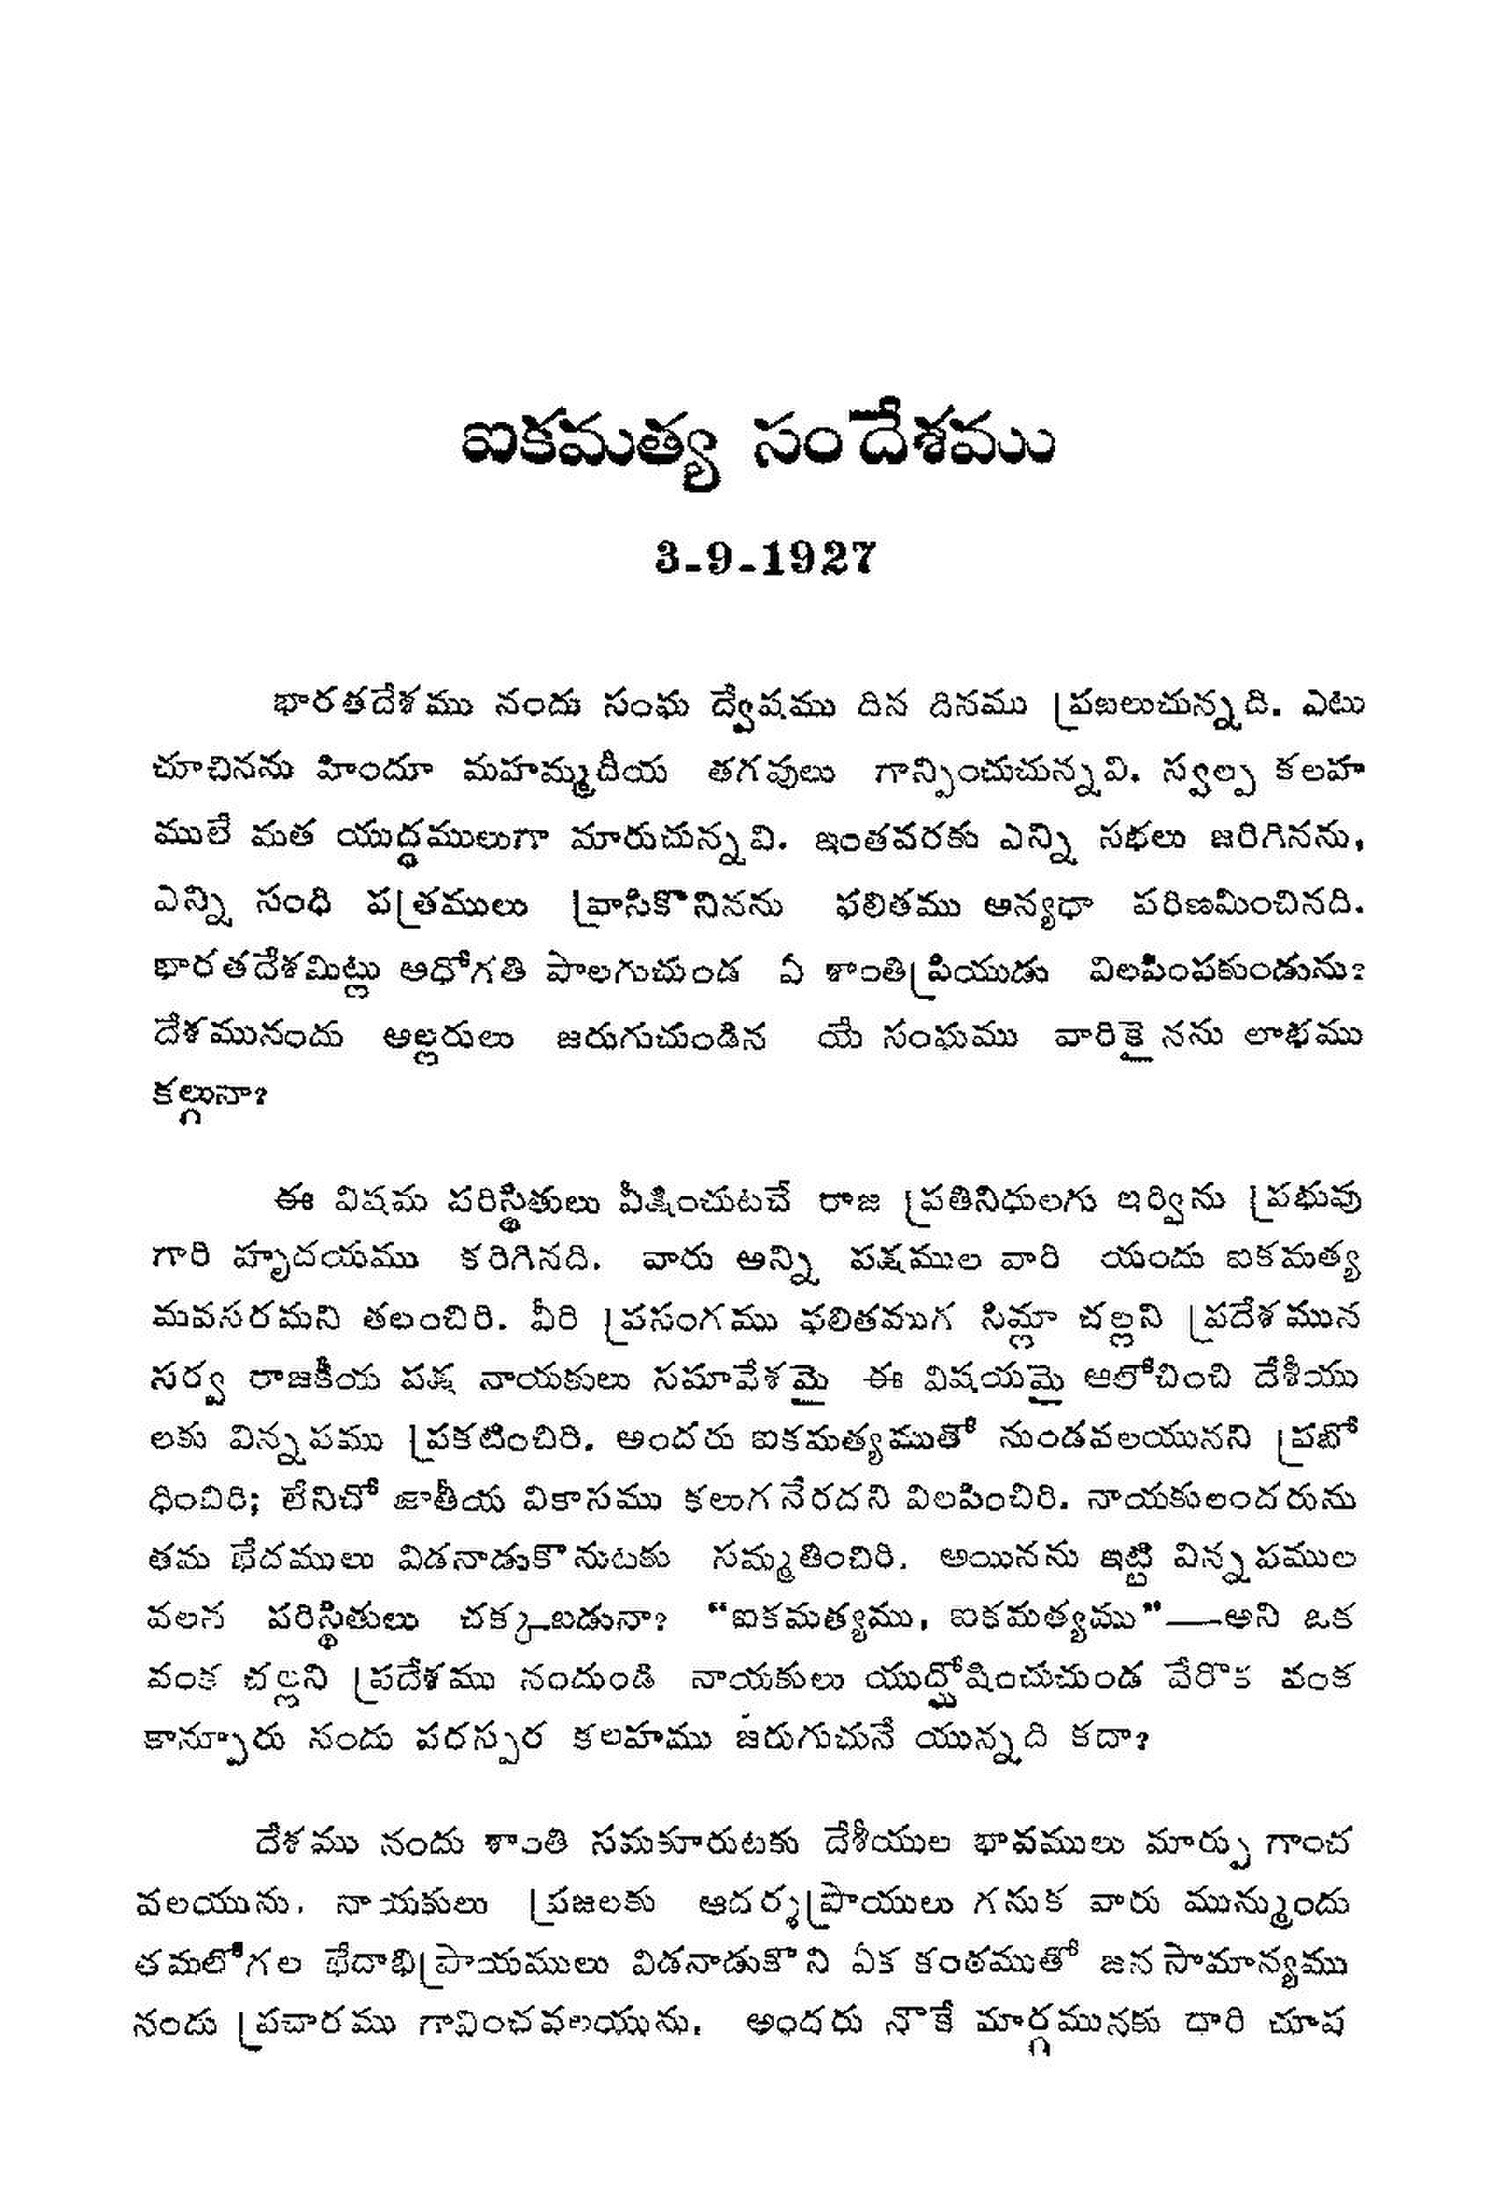ఐకమత్య సందేశము

3-9-1927

భారతదేశము నందు సంఘ ద్వేషము దిన దినము ప్రబలుచున్నది. ఎటుచూచినను హిందూ మహమ్మదీయ తగవులు గాన్పించుచున్నవి. స్వల్ప కలహములే మత యుద్ధములుగా మారుచున్నవి. ఇంతవరకు ఎన్ని సభలు జరిగినను, ఎన్ని సంధి పత్రములు వ్రాసికొనినను ఫలితము అన్యధా పరిణమించినది. భారతదేశమిట్లు అధోగతి పాలగుచుండ ఏ శాంతిప్రియుడు విలపింపకుండును? దేశమునందు అల్లరులు జరుగుచుండిన యే సంఘము వారికై నను లాభము కల్గునా?

ఈ విషమ పరిస్థితులు వీక్షించుటచే రాజ ప్రతినిధులగు ఇర్విను ప్రభువుగారి హృదయము కరిగినది. వారు అన్ని పక్షముల వారి యందు ఐకమత్య మవసరమని తలంచిరి. వీరి ప్రసంగము ఫలితముగ సిమ్లా చల్లని ప్రదేశమున
సర్వ రాజకీయ పక్ష నాయకులు సమావేశమై ఈ విషయమై ఆలోచించి దేశీయులకు విన్నపము ప్రకటించిరి. అందరు ఐకమత్యముతో నుండవలయునని ప్రబోధించిరి; లేనిచో జాతీయ వికాసము కలుగనేరదని విలపించిరి. నాయకులందరును తమ భేదములు విడనాడుకొనుటకు సమ్మతించిరి. అయినను ఇట్టి విన్నపముల వలన పరిస్థితులు చక్కబడునా? "ఐకమత్యము, ఐకమత్యము" అని ఒక వంక చల్లని ప్రదేశము నందుండి నాయకులు యుద్ఘోషించుచుండ వేరొక వంక కాన్పూరు నందు పరస్పర కలహము జరుగుచునే యున్నది కదా?

దేశము నందు శాంతి సమకూరుటకు దేశీయుల భావములు మార్పు గాంచవలయును. నాయకులు ప్రజలకు ఆదర్శప్రాయులు గనుక వారు మున్ముందు తమలోగల భేదాభిప్రాయములు విడనాడుకొని ఏక కంఠముతో జన సామాన్యమునందు ప్రచారము గావించవలయును. అందరు నొకే మార్గమునకు దారి చూప